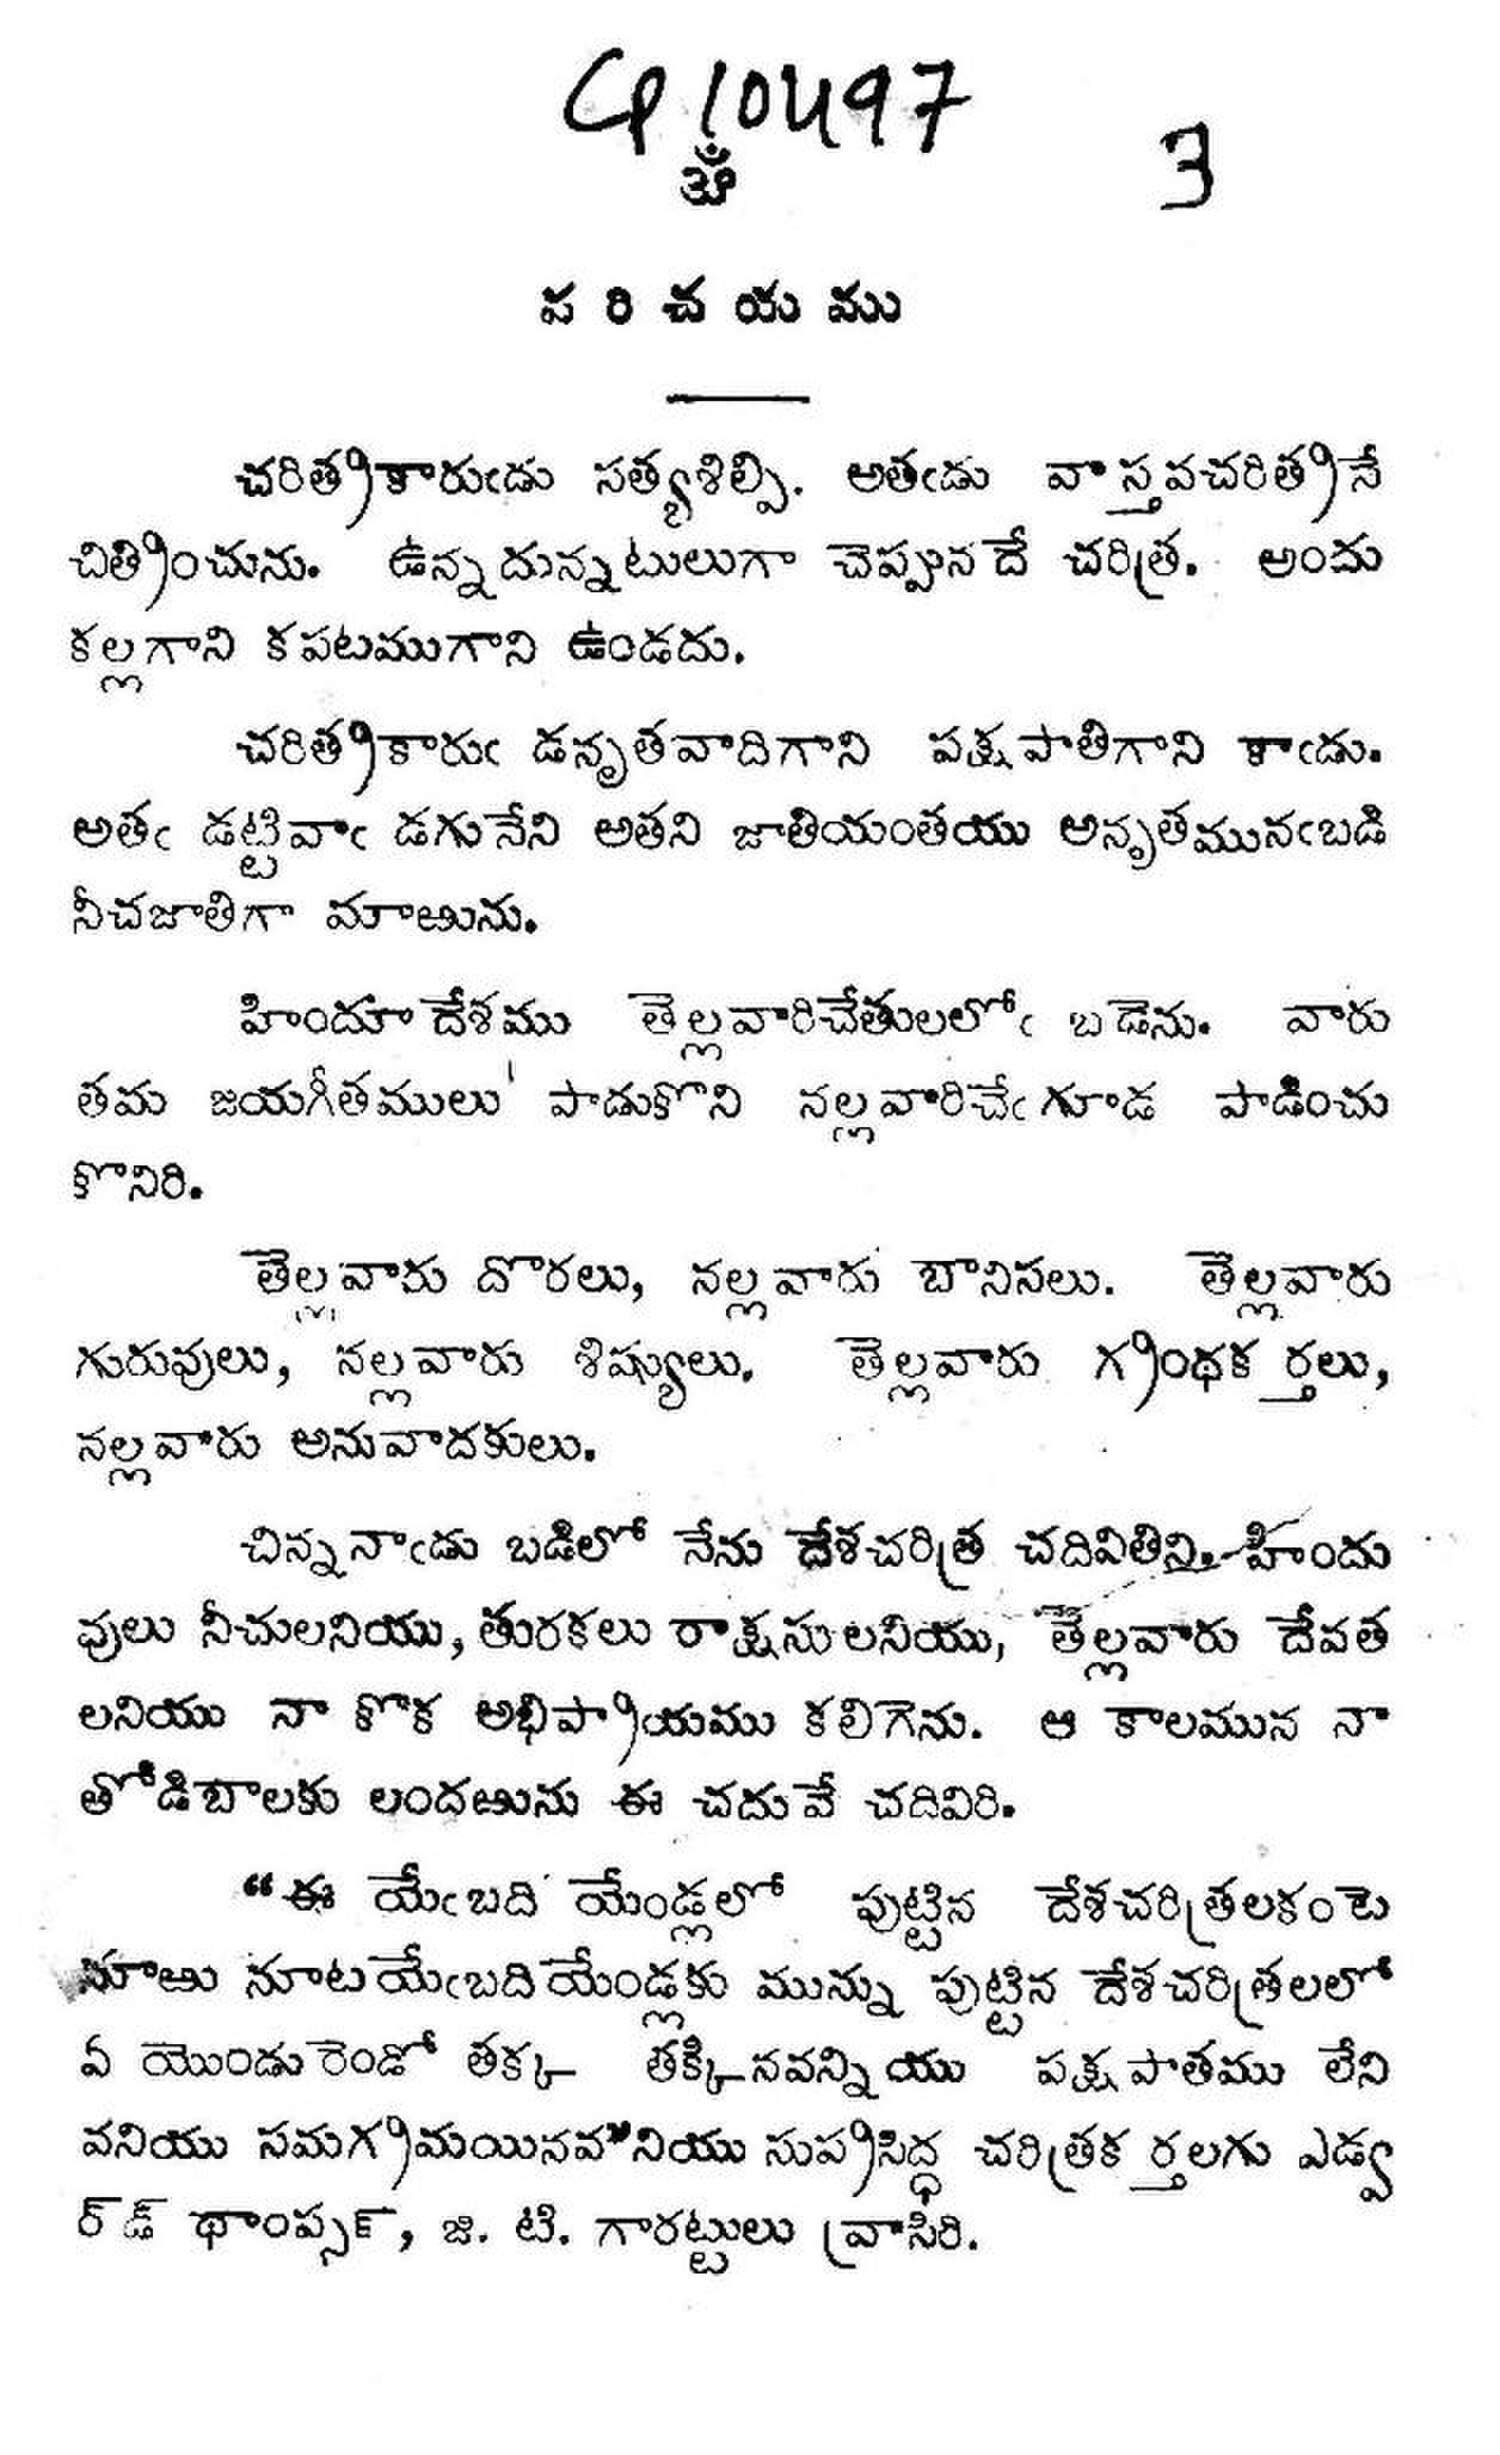పరిచయము

చరిత్రకారుఁడు సత్యశిల్పి. అతఁడు వాస్తవచరిత్రనే చిత్రించును. ఉన్నదున్నటులుగా చెప్పునదే చరిత్ర. అందు కల్లగాని కపటముగాని ఉండదు.

చరిత్రకారుఁ డనృతవాదిగాని పక్షపాతిగాని కాఁడు. అతఁ డట్టివాఁ డగునేని అతని జాతియంతయు అనృతమునఁబడి నీచజాతిగా మాఱును.

హిందూదేశము తెల్లవారిచేతులలోఁ బడెను. వారు తమ జయగీతములు పాడుకొని నల్లవారిచేఁగూడ పాడించు కొనిరి.

తెల్లవారు దొరలు, నల్లవారు బానిసలు. తెల్లవారు గురువులు, నల్లవారు శిష్యులు, తెల్లవారు గ్రంథకర్తలు, నల్లవారు అనువాదకులు.

చిన్ననాఁడు బడిలో నేను దేశచరిత్ర చదివితిని, హిందువులు నీచులనియు, తురకలు రాక్షసులనియు, తెల్లవారు దేవతలనియు నా కొక అభిప్రాయము కలిగెను. ఆ కాలమున నా తోడిబాలకు లందఱును ఈ చదువే చదివిరి.

"ఈ యేఁబది యేండ్లలో పుట్టిన దేశచరిత్రలకంటె నూఱు నూటయేఁబది యేండ్లకు మున్ను పుట్టిన దేశచరిత్రలలో ఏ యొండురెండో తక్క తక్కినవన్నియు పక్షపాతము లేనివనియు సమగ్రమయినవ”నియు సుప్రసిద్ధ చరిత్రకర్తలగు ఎడ్వర్‌డ్ థాంప్స౯, జి. టి. గారట్టులు వ్రాసిరి.